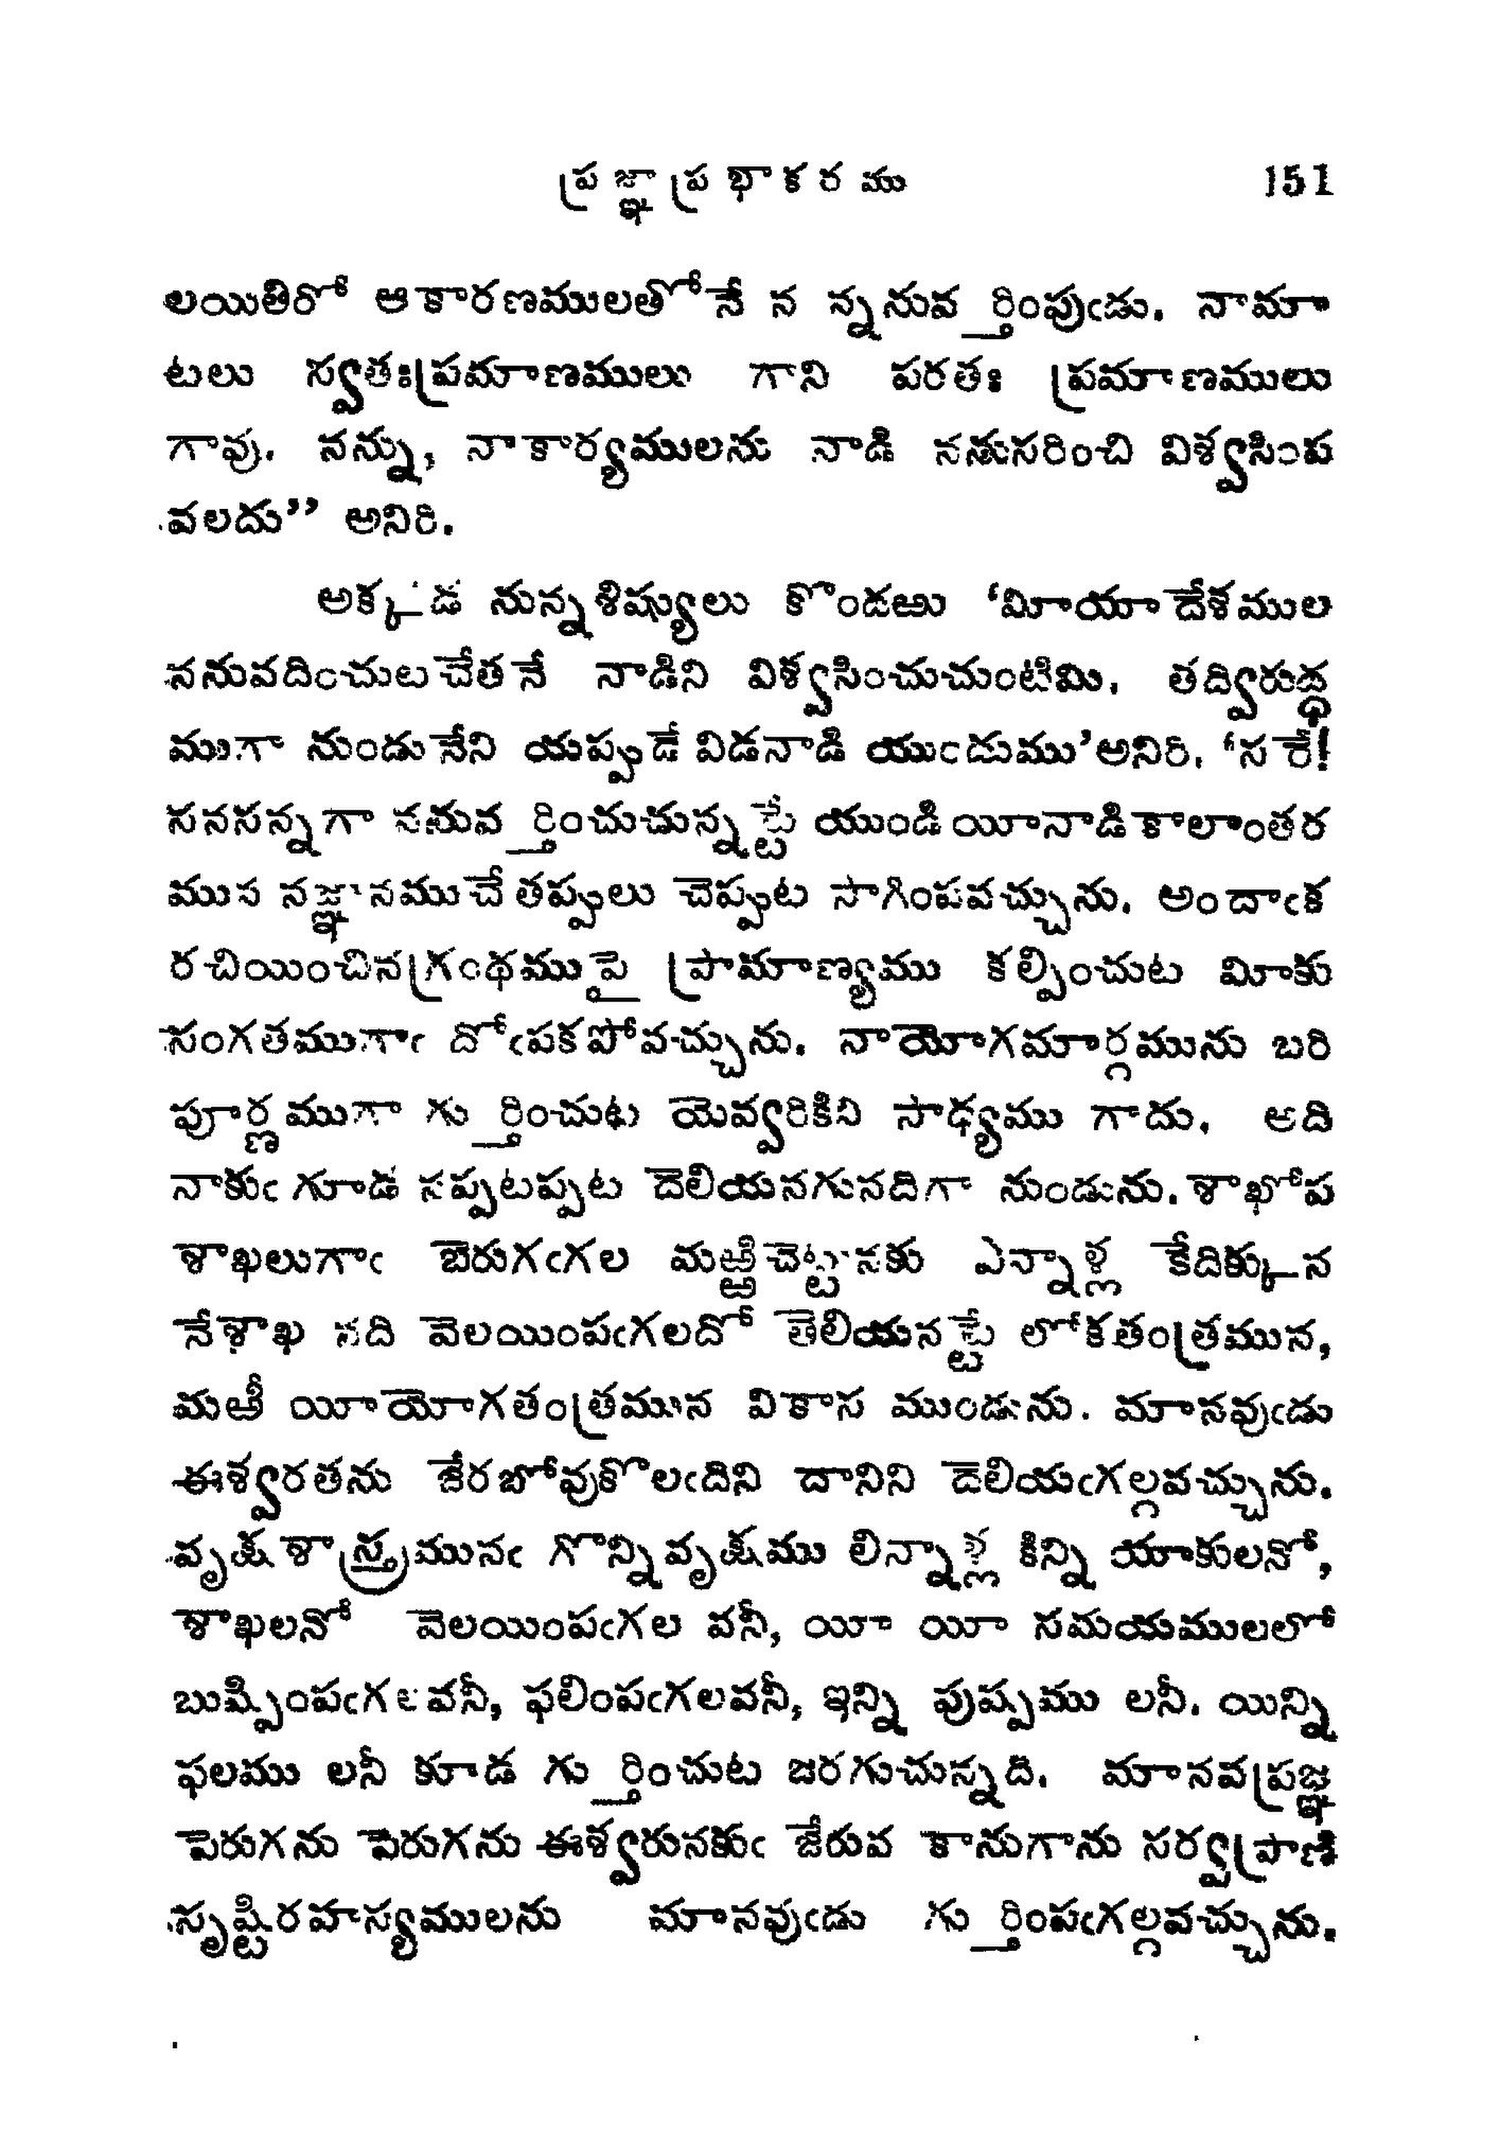లయితిరో ఆ కారణములతోనే నన్నను వర్తింపుఁడు. నా మాటలు స్వతఃప్రమాణములు గాని పరతః ప్రమాణములు గావు. నన్ను, నా కార్యములను నాడి ననుసరించి విశ్వసింపవలదు" అనిరి.

 అక్కడ నున్న శిష్యులు కొందఱు 'మీయా దేశముల ననువదించుట చేతనే నాడిని విశ్వసించుచుంటిమి. తద్విరుద్ధముగా నుండు నేని నను వర్తించుచున్నట్టే యుండి యీ నాడి కాలాంతరమున నజ్ఞానముచే తప్పులు చెప్పుట సాగింప వచ్చును. అందాఁక రచియించిన గ్రంధముపై ప్రామాణ్యము కల్పించుట మికు సంగతముగాఁ దోఁపకపోవచ్చును. నా యోగ మార్గమును బరిపూర్ణముగా గుర్తించుట యెవ్వరికిని సాధ్యము గాదు. అది నాకుఁగూడ నప్పటప్పట దెలియనగు నదిగా నుండును. శాఖోపశాఖలుగాఁ బెరుగఁగల మఱ్ఱచెట్టు నకు ఎన్నాళ్ళ కేదిక్కున నే శాఖ నది వెలయింపఁ గలదో తెలియనట్టే లోకతంత్రమున వికాస ముండును. మానవుఁడు ఈశ్వరతను జేరబోవు కొలఁదిని దానిని దెలియఁగల్గవ వచ్చును. వృక్షశాస్త్రమునఁ గొన్ని వృక్షము లిన్నాళ్ళ కిన్ని యాకులనో, శాఖలనో వెలయింపఁగల వనీ,యీ యీ సమయములలో బుష్పింపఁ గలవనీ,ఫలింపఁ గల వనీ, ఇన్ని పుష్పము లనీ, యిన్ని ఫలము లనీ కూడ గుర్తించుట జరగుచున్నది.మానవ ప్రజ్ఞ పెరుగను ఈశ్వరునకుఁ జేరువ కానుగాను సర్వ ప్రాణి సృష్టిరహస్యములను మానవుఁ డు గుర్తింప గల్గవచ్చును.